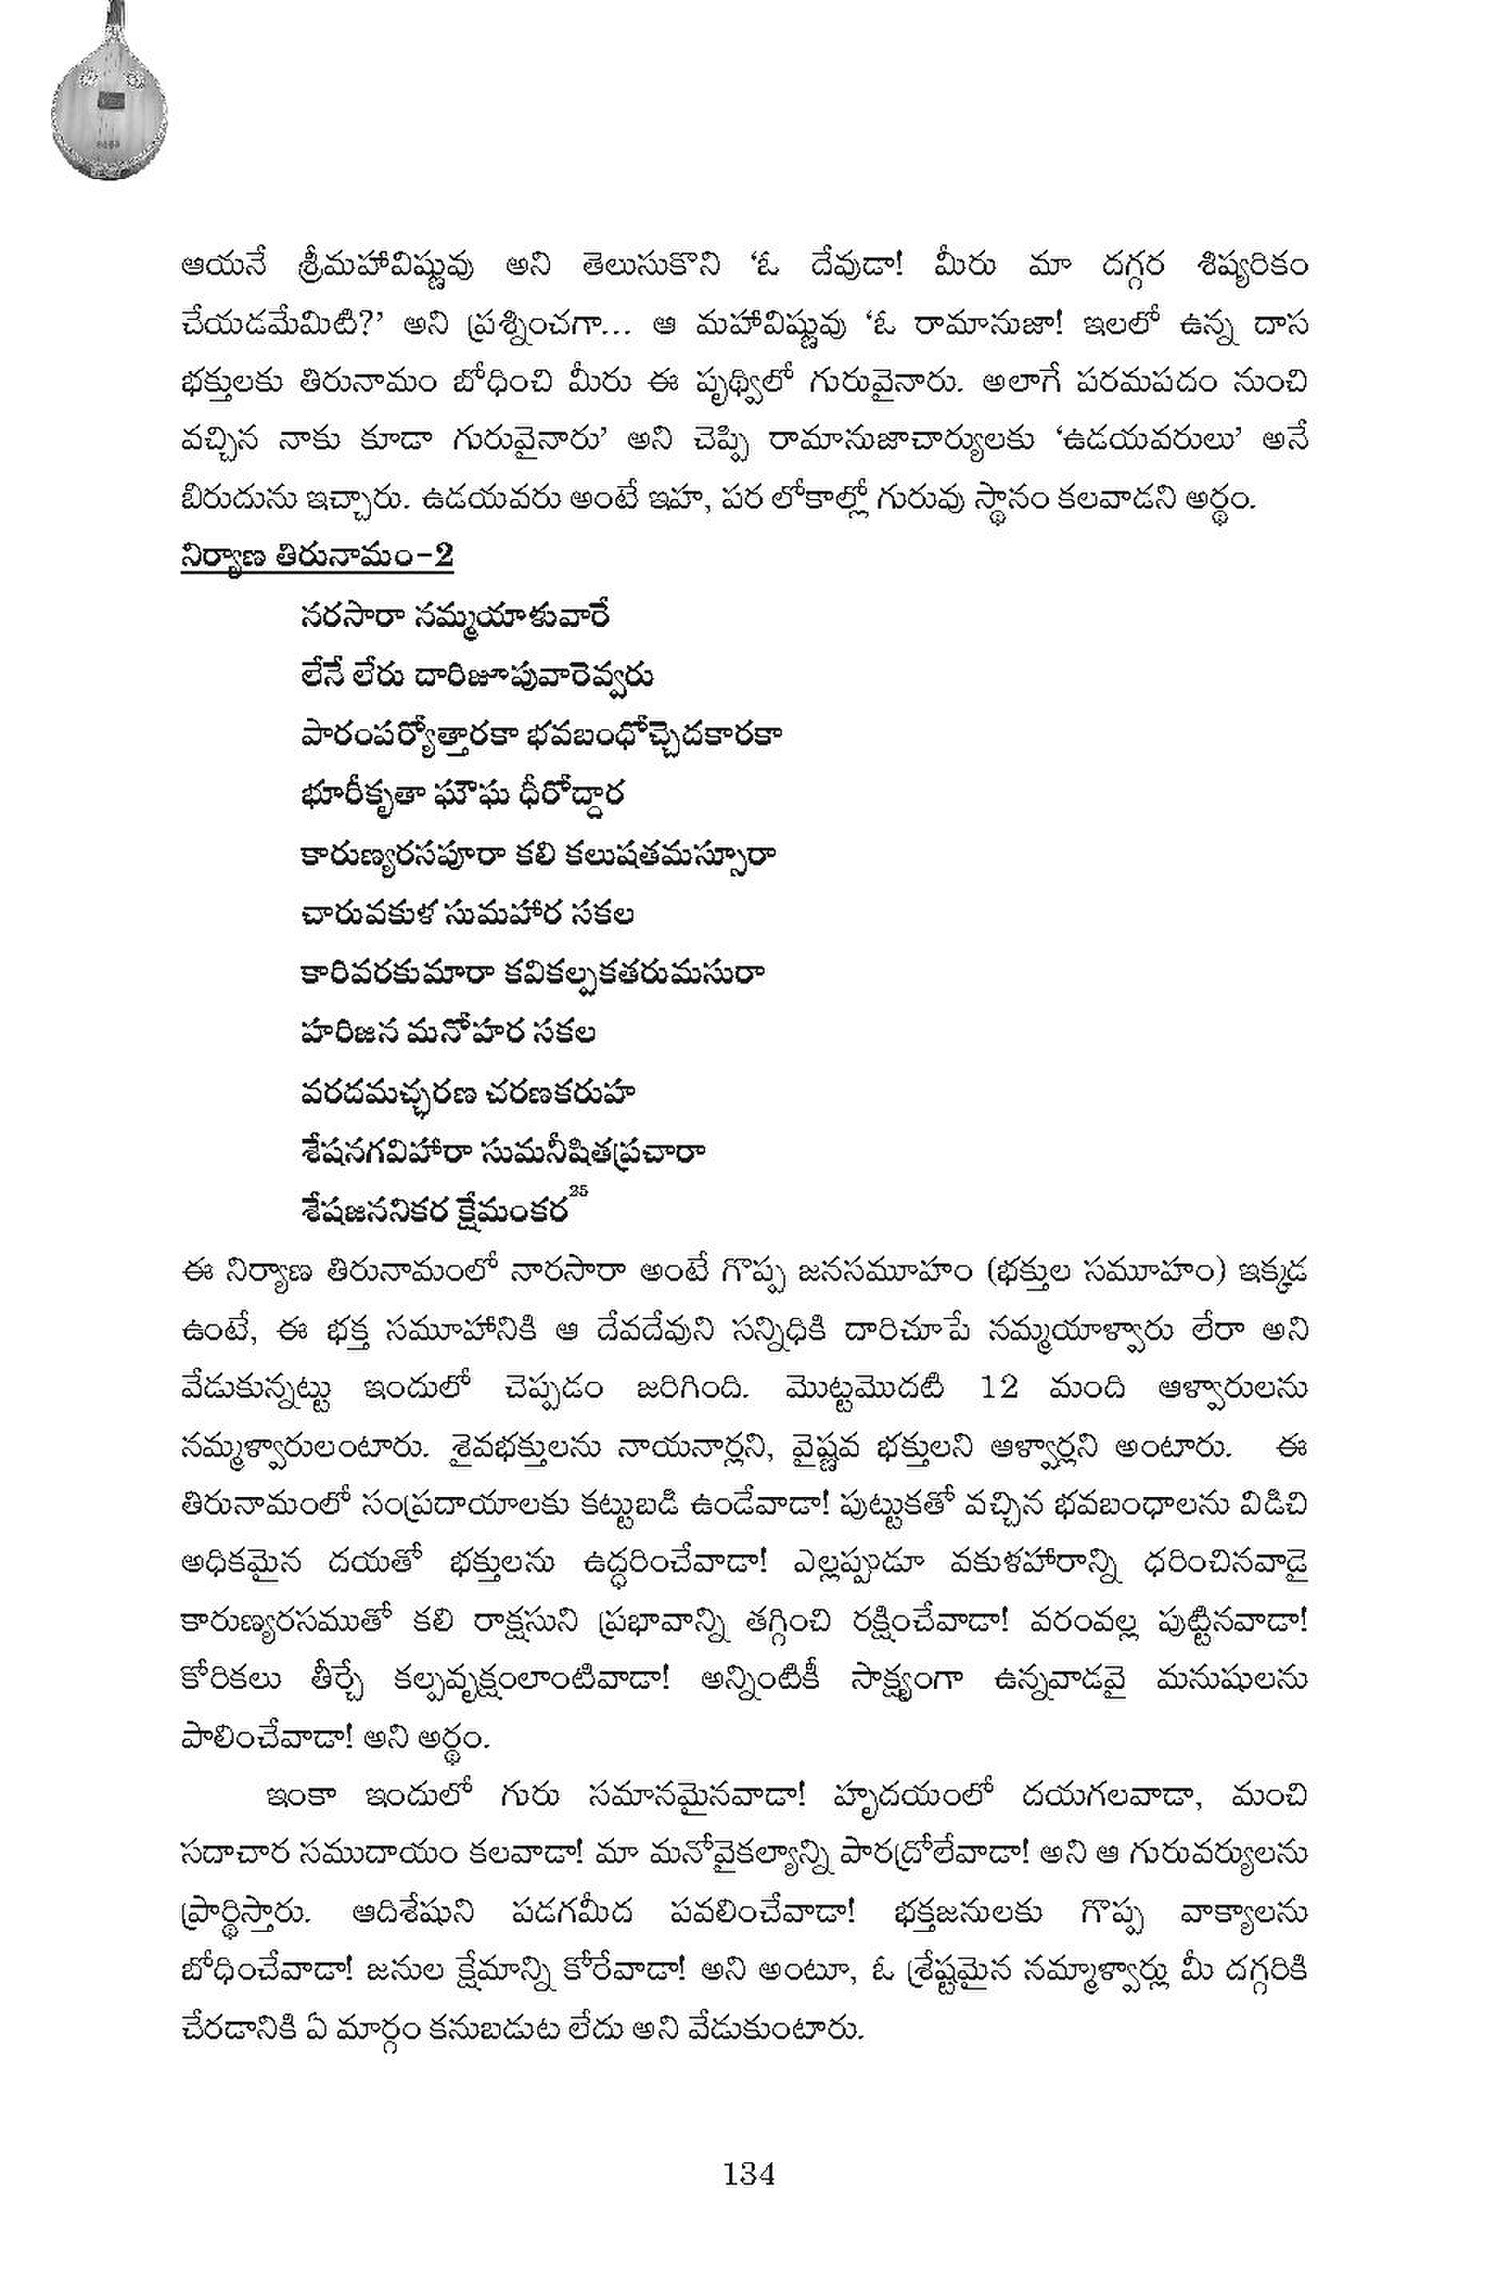ఆయనే శ్రీమహావిష్ణువు అని తెలుసుకొని 'ఓ దేవుడా! మీరు మా దగ్గర శిష్యరికం చేయడమేమిటి?' అని ప్రశ్నించగా... ఆ మహావిష్ణువు 'ఓ రామానుజా! ఇలలో ఉన్న దాస భక్తులకు తిరునామం బోధించి మీరు ఈ పృథ్విలో గురువైనారు. అలాగే పరమపదం నుంచి వచ్చిన నాకు కూడా గురువైనారు' అని చెప్పి రామానుజాచార్యులకు 'ఉడయవరులు' అనే బిరుదును ఇచ్చారు. ఉడయవరు అంటే ఇహ, పర లోకాల్లో గురువు స్థానం కలవాడని అర్థం.

నిర్యాణ తిరునామం-2

నరసారా నమ్మయాళువారే
లేనే లేరు దారిజూపువారెవ్వరు
పారంపర్యోత్తారకా భవబంధోచ్చెదకారకా
భూరీకృతా మౌఘ ధీరోద్దార
కారుణ్యరసపూరా కలి కలుషతమస్సూరా
చారువకుళ సుమహార సకల
కారివరకుమారా కవికల్పకతరుమసురా
హరిజన మనోహర సకల
వరదమచ్ఛరణ చరణకరుహ
శేషనగవిహారా సుమనీషితప్రచారా
శేషజననికర క్షేమంకర25

ఈ నిర్యాణ తిరునామంలో నారసారా అంటే గొప్ప జనసమూహం (భక్తుల సమూహం) ఇక్కడ ఉంటే, ఈ భక్త సమూహానికి ఆ దేవదేవుని సన్నిధికి దారిచూపే నమ్మయాళ్వారు లేరా అని వేడుకున్నట్టు ఇందులో చెప్పడం జరిగింది. మొట్టమొదటి 12 మంది ఆళ్వారులను నమ్మళ్వారులంటారు. శైవభక్తులను నాయనార్లని, వైష్ణవ భక్తులని ఆళ్వార్లని అంటారు.తిరునామం లో సంప్రదాయాలకు కట్టుబడి ఉండేవాడా! పుట్టుకతో వచ్చిన భవబంధాలను విడిచి అధికమైన దయతో భక్తులను ఉద్దరించేవాడా! ఎల్లప్పుడూ వకుళహారాన్ని ధరించినవాడై కారుణ్యరసముతో కలి రాక్షసుని ప్రభావాన్ని తగ్గించి రక్షించేవాడా! వరంవల్ల పుట్టినవాడా! కోరికలు తీర్చే కల్పవృక్షంలాంటివాడా! అన్నింటికీ సాక్ష్యంగా ఉన్నవాడవై మనుషులను పాలించేవాడా! అని అర్థం.

ఇంకా ఇందులో గురు సమానమైనవాడా! హృదయంలో దయగలవాడా, మంచి సదాచార సముదాయం కలవాడా! మా మనోవైకల్యాన్ని పారద్రోలేవాడా! అని ఆ గురువర్యులను ప్రార్థిస్తారు. ఆదిశేషుని పడగమీద పవలించేవాడా! భక్తజనులకు గొప్ప వాక్యాలను బోధించేవాడా! జనుల క్షేమాన్ని కోరేవాడా! అని అంటూ, ఓ శ్రేష్టమైన నమ్మాళ్వార్లు మీ దగ్గరికి
చేరడానికి ఏ మార్గం కనుబడుట లేదు అని వేడుకుంటారు.